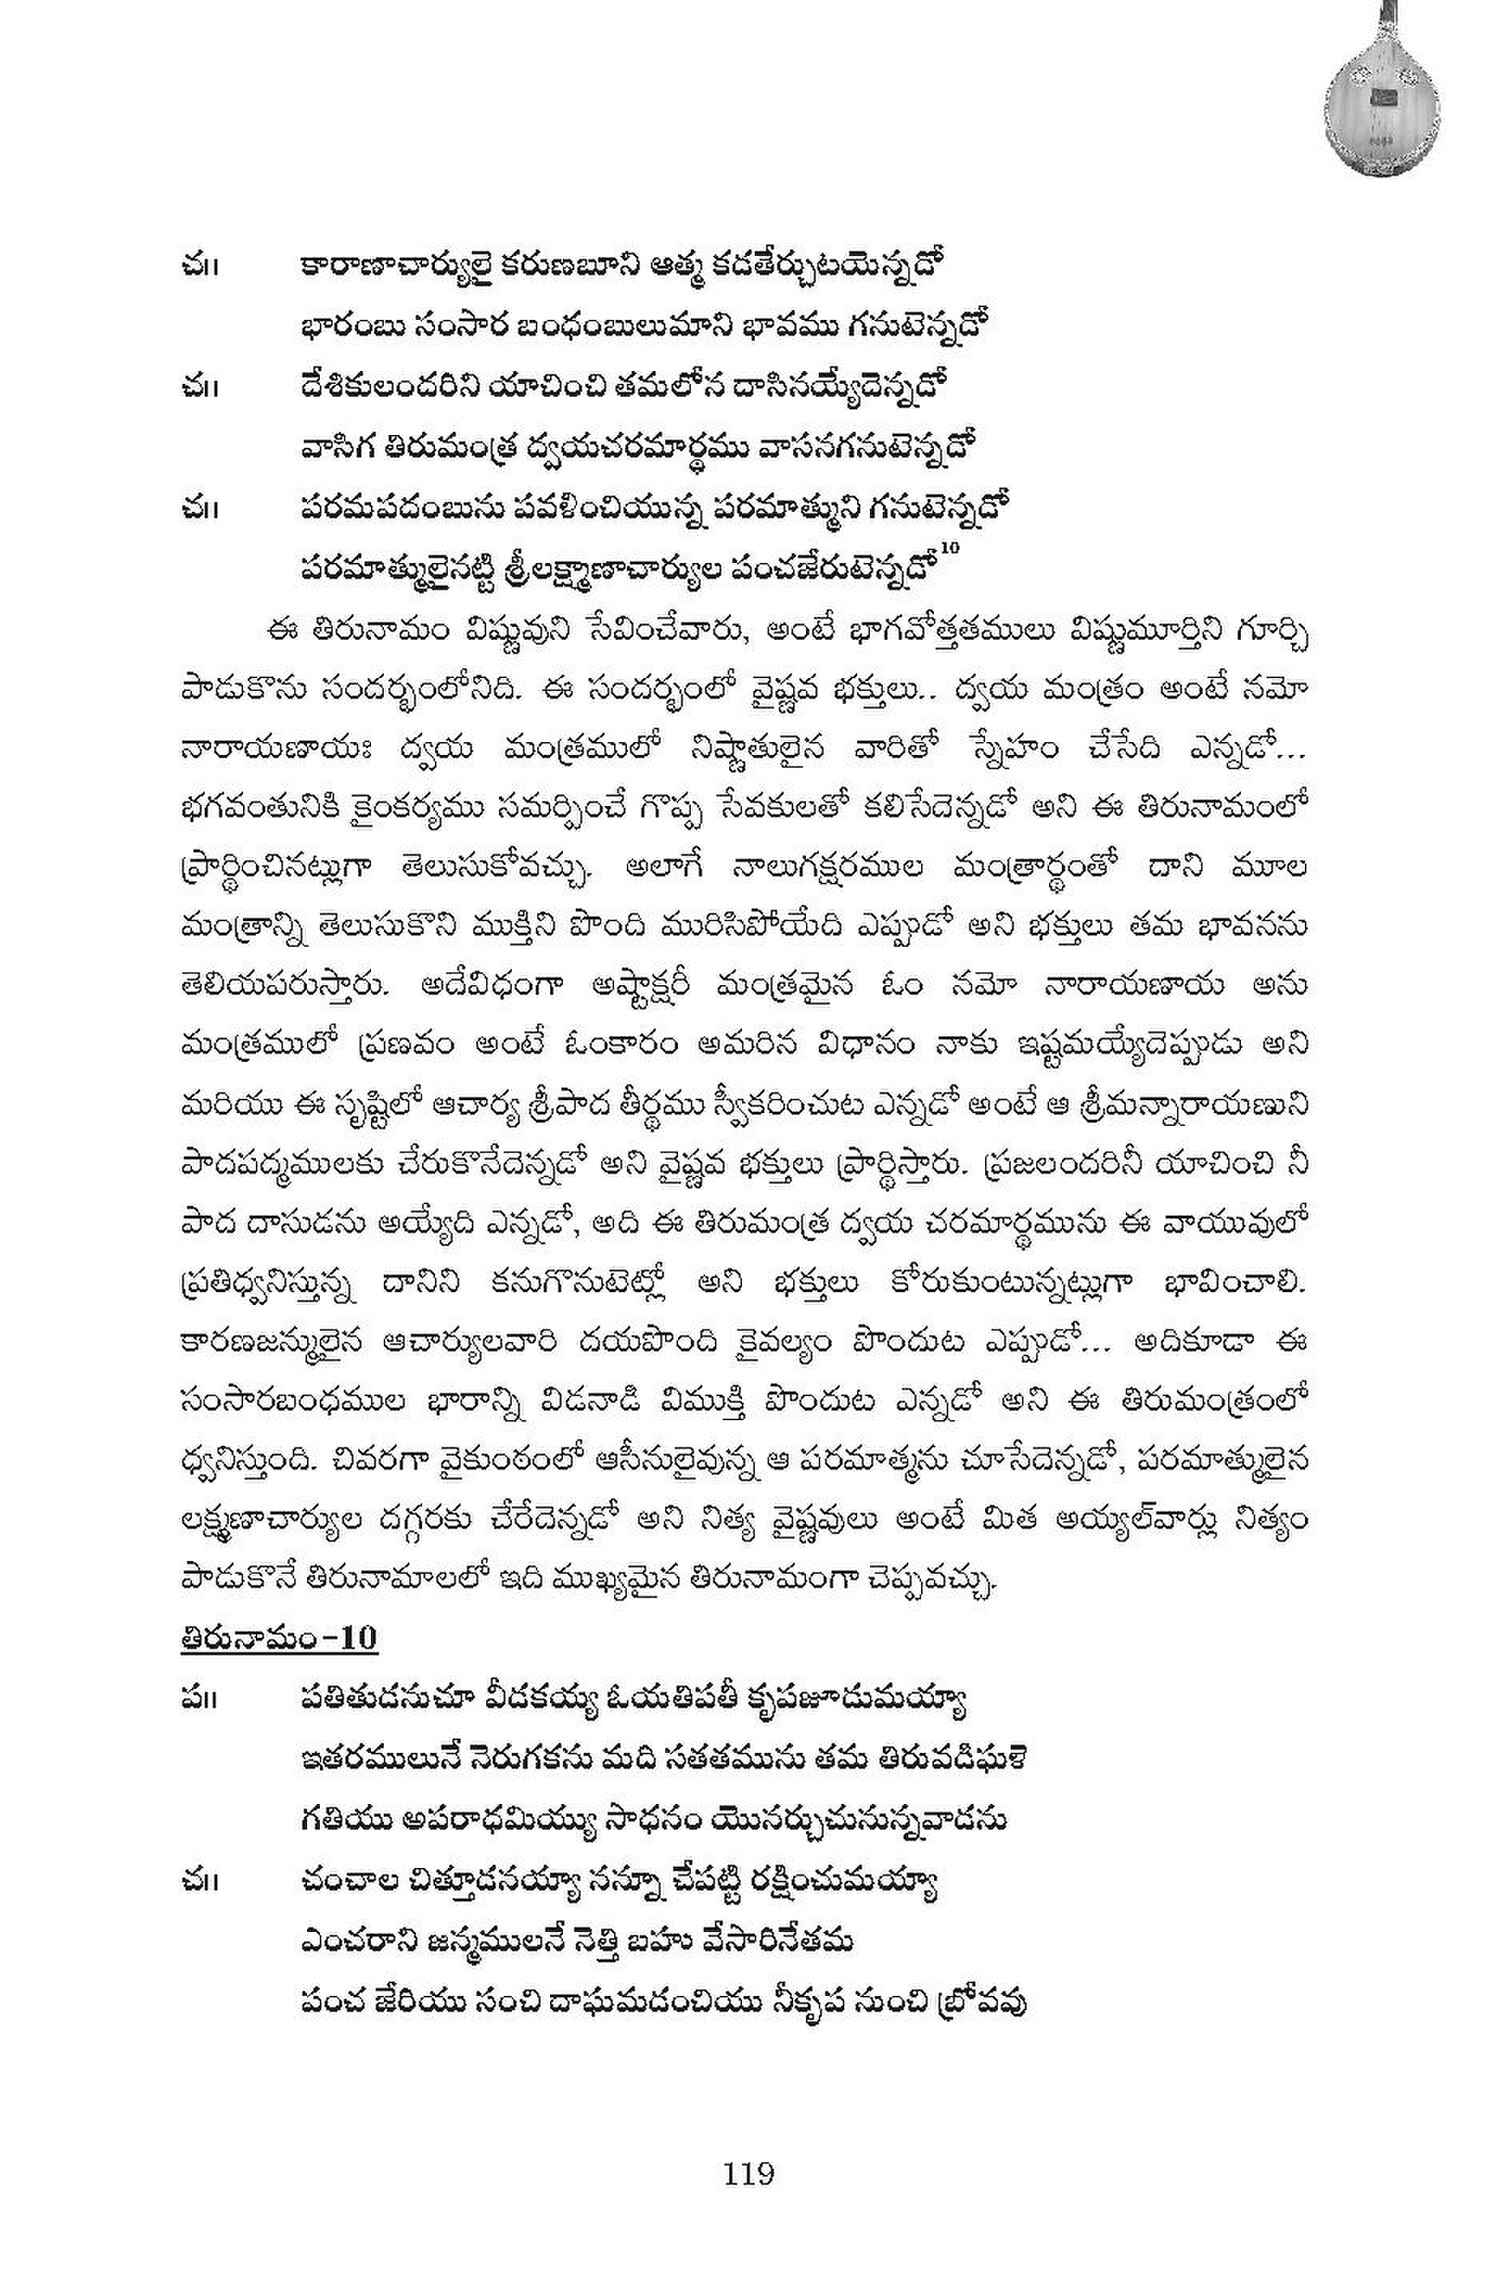చ౹౹ కారాణాచార్యులై కరుణబూని ఆత్మ కడతేర్చుటయెన్నడో
భారంబు సంసార బంధంబులుమాని భావము గనున్నదో

చ౹౹ దేశికులందరిని యాచించి తమలోన దాసినయ్యేదెన్నడో
వాసిగ తిరుమంత్ర ద్వయచరమార్థము వాసనగనుటెన్నదో

చ౹౹ పరమపదంబును పవళించియున్న పరమాత్ముని గనుటెన్నడో
పరమాత్ములైనట్టి శ్రీలక్ష్మాణాచార్యులు పంచజేరుటెన్నడో 10

ఈ తిరునామం విష్ణువుని సేవించేవారు, అంటే భాగవోత్తతములు విష్ణుమూర్తిని గూర్చి పాడుకొను సందర్భంలోనిది. ఈ సందర్భంలో వైష్ణవ భక్తులు.. ద్వయ మంత్రం అంటే నమో నారాయణాయః ద్వయ మంత్రములో నిష్ణాతులైన వారితో స్నేహం చేసేది ఎన్నడో...భగవంతునికి కైంకర్యము సమర్పించే గొప్ప సేవకులతో కలిసేదెన్నడో అని ఈ తిరునామంలో
ప్రార్థించినట్లుగా తెలుసుకోవచ్చు. అలాగే నాలుగక్షరముల మంత్రార్థంతో దాని మూల మంత్రాన్ని తెలుసుకొని ముక్తిని పొంది మురిసిపోయేది ఎప్పుడో అని భక్తులు తమ భావనను తెలియపరుస్తారు. అదేవిధంగా అష్టాక్షరీ మంత్రమైన ఓం నమో నారాయణాయ అను మంత్రములో ప్రణవం అంటే ఓంకారం అమరిన విధానం నాకు ఇష్టమయ్యేదెప్పుడు అని మరియు ఈ సృష్టిలో ఆచార్య శ్రీపాద తీర్థము స్వీకరించుట ఎన్నడో అంటే ఆ శ్రీమన్నారాయణుని పాదపద్మములకు చేరుకొనేదెన్నడో అని వైష్ణవ భక్తులు ప్రార్థిస్తారు. ప్రజలందరినీ యాచించి నీ పాద దాసుడను అయ్యేది ఎన్నడో, అది ఈ తిరుమంత్ర ద్వయ చరమార్థమును ఈ వాయువులో ప్రతిధ్వనిస్తున్న దానిని కనుగొనుటెట్లో అని భక్తులు కోరుకుంటున్నట్లుగా భావించాలి.
కారణజన్ములైన ఆచార్యులవారి దయపొంది కైవల్యం పొందుట ఎప్పుడో... అదికూడా ఈ సంసారబంధముల భారాన్ని విడనాడి విముక్తి పొందుట ఎన్నడో అని ఈ తిరుమంత్రంలో ధ్వనిస్తుంది. చివరగా వైకుంఠంలో ఆసీనులైవున్న ఆ పరమాత్మను చూసేదెన్నడో, పరమాత్ములైన లక్ష్మణాచార్యుల దగ్గరకు చేరేదెన్నడో అని నిత్య వైష్ణవులు అంటే మిత అయ్యల్వార్లు నిత్యం పాడుకొనే తిరునామాలలో ఇది ముఖ్యమైన తిరునామంగా చెప్పవచ్చు.

తిరునామం-10

ప౹౹ పతితుడనుచూ వీడకయ్య ఓయతిపతీ కృపజూడుమయ్యా
ఇతరములునే నెరుగకను మది సతతమును తమ తిరువడిఘళె
గతియు అపరాధమియ్యు సాధనం యొనర్చుచునున్నవాడను

చ౹౹ చంచాల చిత్తూదనయ్యా నన్నూ చేపట్టి రక్షించుమయ్యా
ఎంచరాని జన్మములనే నెత్తి బహు వేసారినేతమ
పంచ జేరియు సంచి దాఘమడంచియు నీకృప నుంచి బ్రోవవు